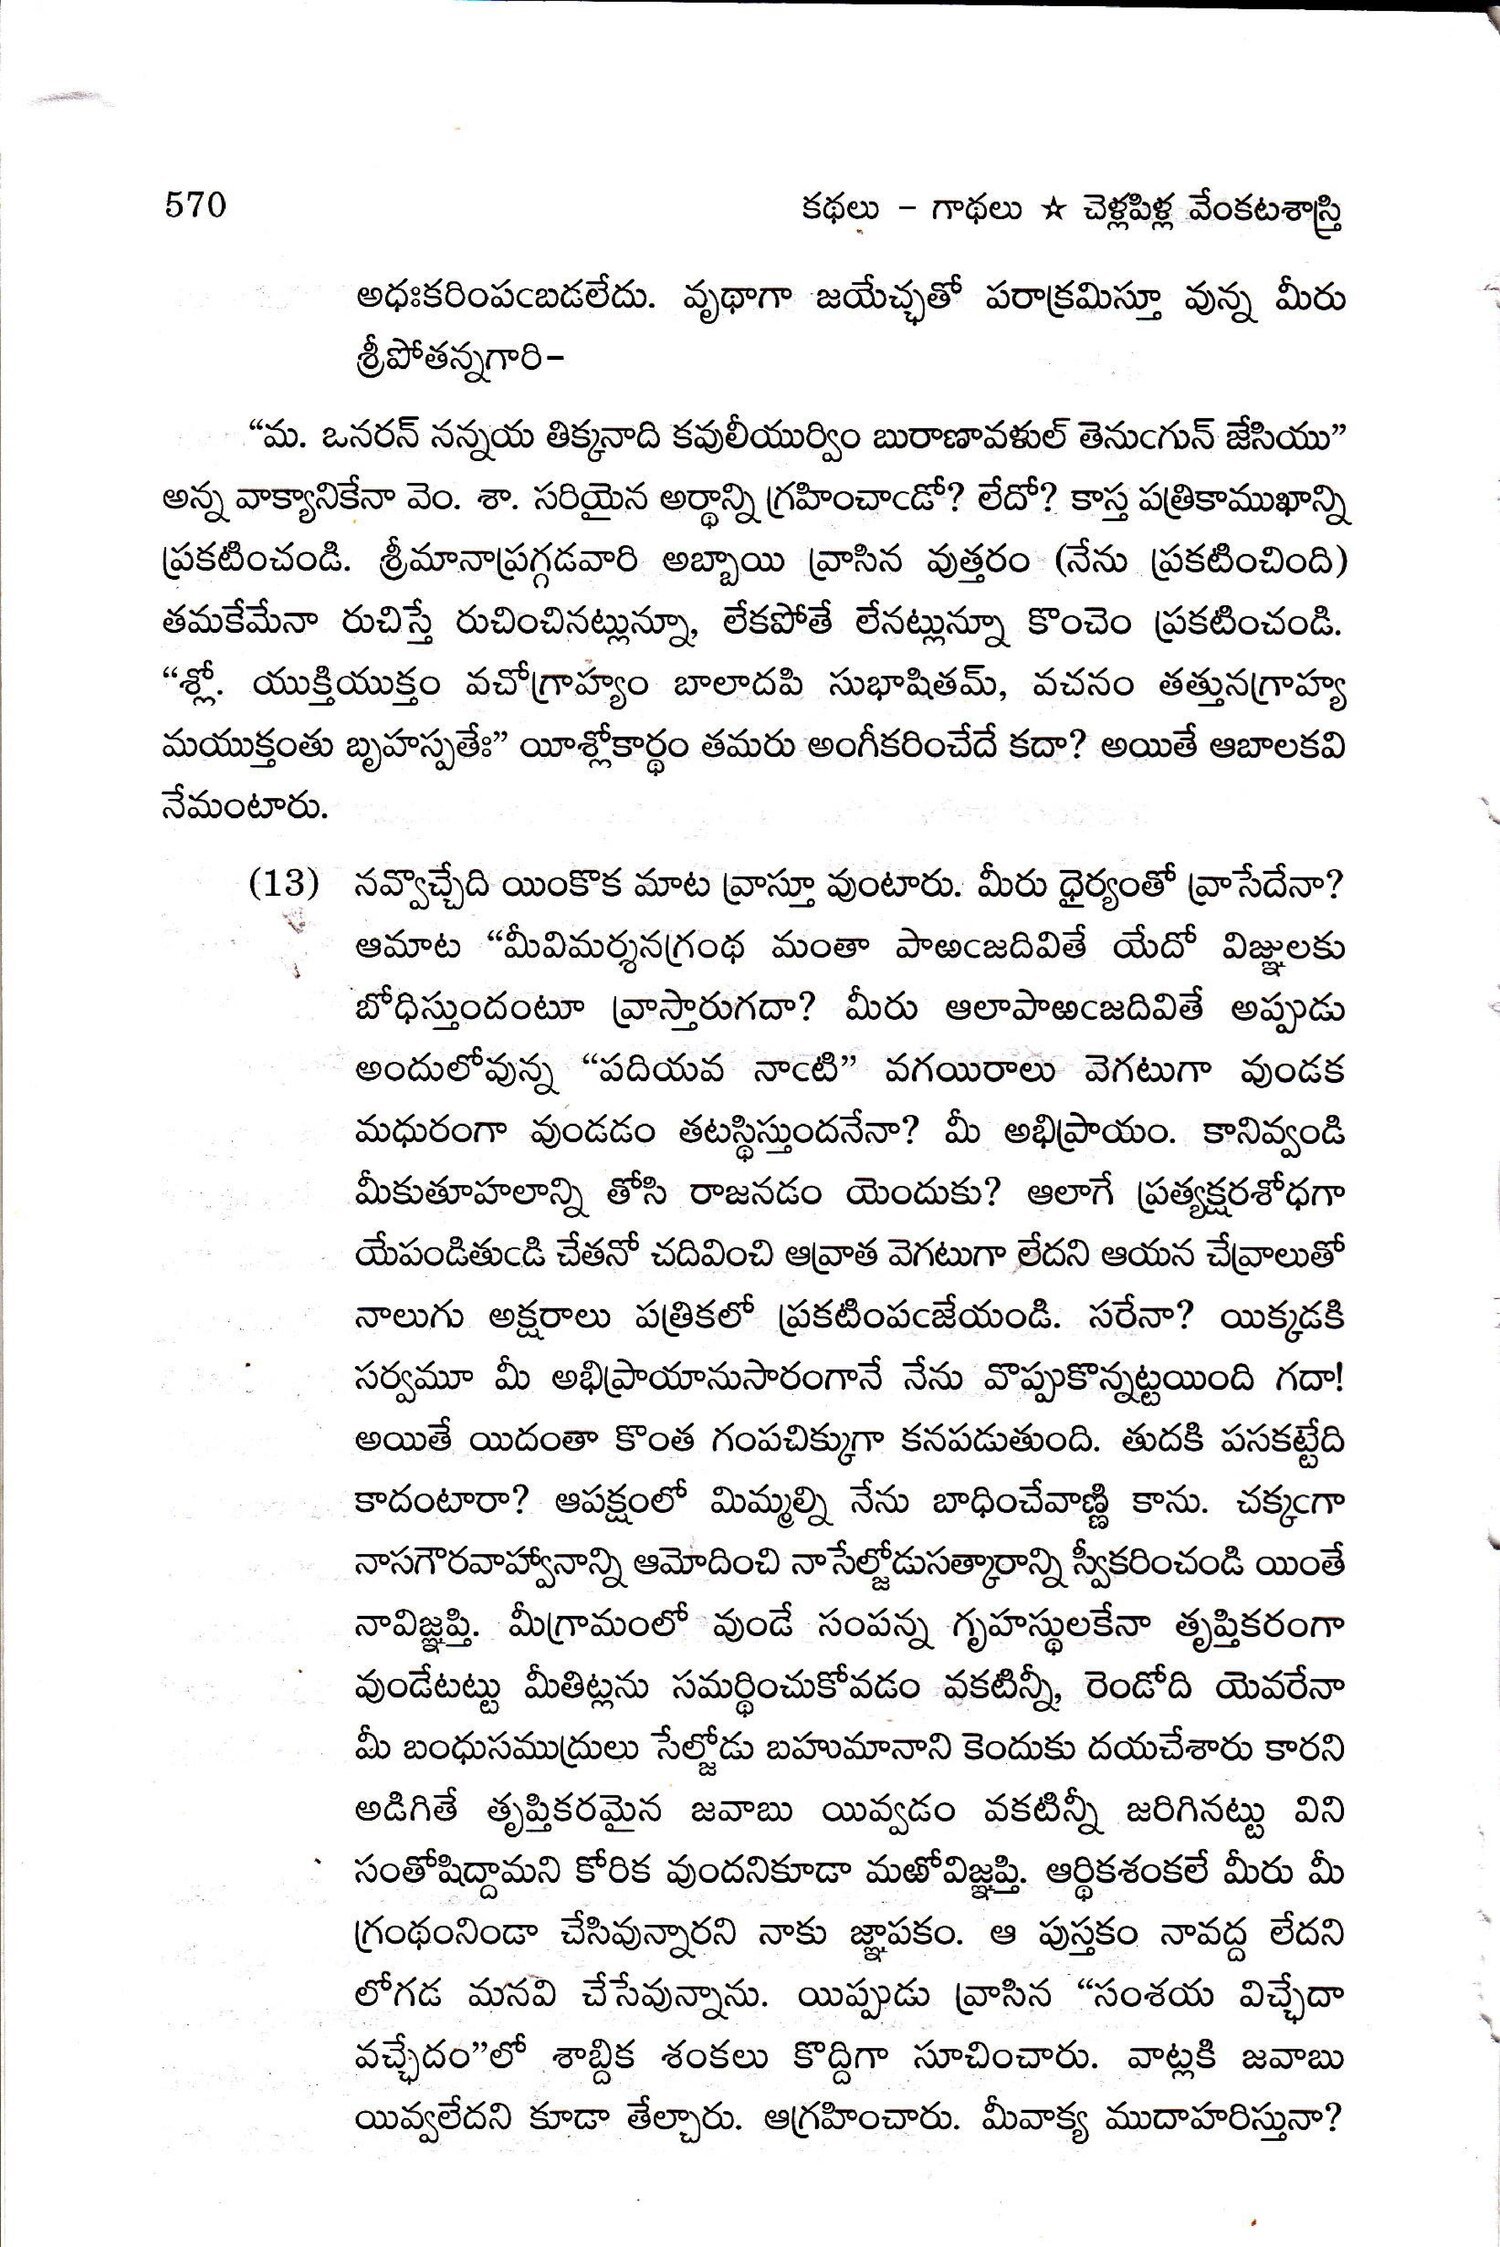అధఃకరింపఁబడలేదు. వృథాగా జయేచ్ఛతో పరాక్రమిస్తూ వున్న మీరు శ్రీపోతన్నగారి-

“మ. ఒనరన్ నన్నయ తిక్కనాది కవులీయుర్విం బురాణావళుల్ తెనుఁగున్ జేసియు” అన్న వాక్యానికేనా వెం. శా. సరియైన అర్ధాన్ని గ్రహించాఁడో? లేదో? కాస్త పత్రికాముఖాన్ని ప్రకటించండి. శ్రీమానాప్రగ్గడవారి అబ్బాయి వ్రాసిన వుత్తరం (నేను ప్రకటించింది) తమకేమేనా రుచిస్తే రుచించినట్లున్నూ, లేకపోతే లేనట్లున్నూ కొంచెం ప్రకటించండి. “శ్లో. యుక్తియుక్తం వచోగ్రాహ్యం బాలాదపి సుభాషితమ్, వచనం తత్తునగ్రాహ్య మయుక్తంతు బృహస్పతేః" యీశ్లోకార్థం తమరు అంగీకరించేదే కదా? అయితే ఆబాలకవి నేమంటారు.

(13) నవ్వొచ్చేది యింకొక మాట వ్రాస్తూ వుంటారు. మీరు ధైర్యంతో వ్రాసేదేనా? ఆమాట "మీవిమర్శనగ్రంథ మంతా పాఱఁజదివితే యేదో విజ్ఞులకు బోధిస్తుందంటూ వ్రాస్తారుగదా? మీరు ఆలాపాఱఁజదివితే అప్పుడు అందులోవున్న “పదియవ నాఁటి” వగయిరాలు వెగటుగా వుండక మధురంగా వుండడం తటస్థిస్తుందనేనా? మీ అభిప్రాయం. కానివ్వండి మీకుతూహలాన్ని తోసి రాజనడం యెందుకు? ఆలాగే ప్రత్యక్షరశోధగా యేపండితుఁడి చేతనో చదివించి ఆవ్రాత వెగటుగా లేదని ఆయన చేవ్రాలుతో నాలుగు అక్షరాలు పత్రికలో ప్రకటింపఁజేయండి. సరేనా? యిక్కడకి సర్వమూ మీ అభిప్రాయానుసారంగానే నేను వొప్పుకొన్నట్టయింది గదా! అయితే యిదంతా కొంత గంపచిక్కుగా కనపడుతుంది. తుదకి పసకట్టేది కాదంటారా? ఆపక్షంలో మిమ్మల్ని నేను బాధించేవాణ్ణి కాను. చక్కఁగా నాసగౌరవాహ్వానాన్ని ఆమోదించి నాసేల్జోడుసత్కారాన్ని స్వీకరించండి యింతే నావిజ్ఞప్తి. మీగ్రామంలో వుండే సంపన్న గృహస్థులకేనా తృప్తికరంగా వుండేటట్టు మీతిట్లను సమర్థించుకోవడం వకటిన్నీ రెండోది యెవరేనా మీ బంధుసముద్రులు సేల్జోడు బహుమానాని కెందుకు దయచేశారు కారని అడిగితే తృప్తికరమైన జవాబు యివ్వడం వకటిన్నీ జరిగినట్టు విని సంతోషిద్దామని కోరిక వుందనికూడా మఱోవిజ్ఞప్తి. ఆర్థికశంకలే మీరు మీ గ్రంథంనిండా చేసివున్నారని నాకు జ్ఞాపకం. ఆ పుస్తకం నావద్ద లేదని లోగడ మనవి చేసేవున్నాను. యిప్పుడు వ్రాసిన “సంశయ విచ్ఛేదా వచ్చేదం"లో శాబ్దిక శంకలు కొద్దిగా సూచించారు. వాట్లకి జవాబు యివ్వలేదని కూడా తేల్చారు. ఆగ్రహించారు. మీవాక్య ముదాహరిస్తునా?